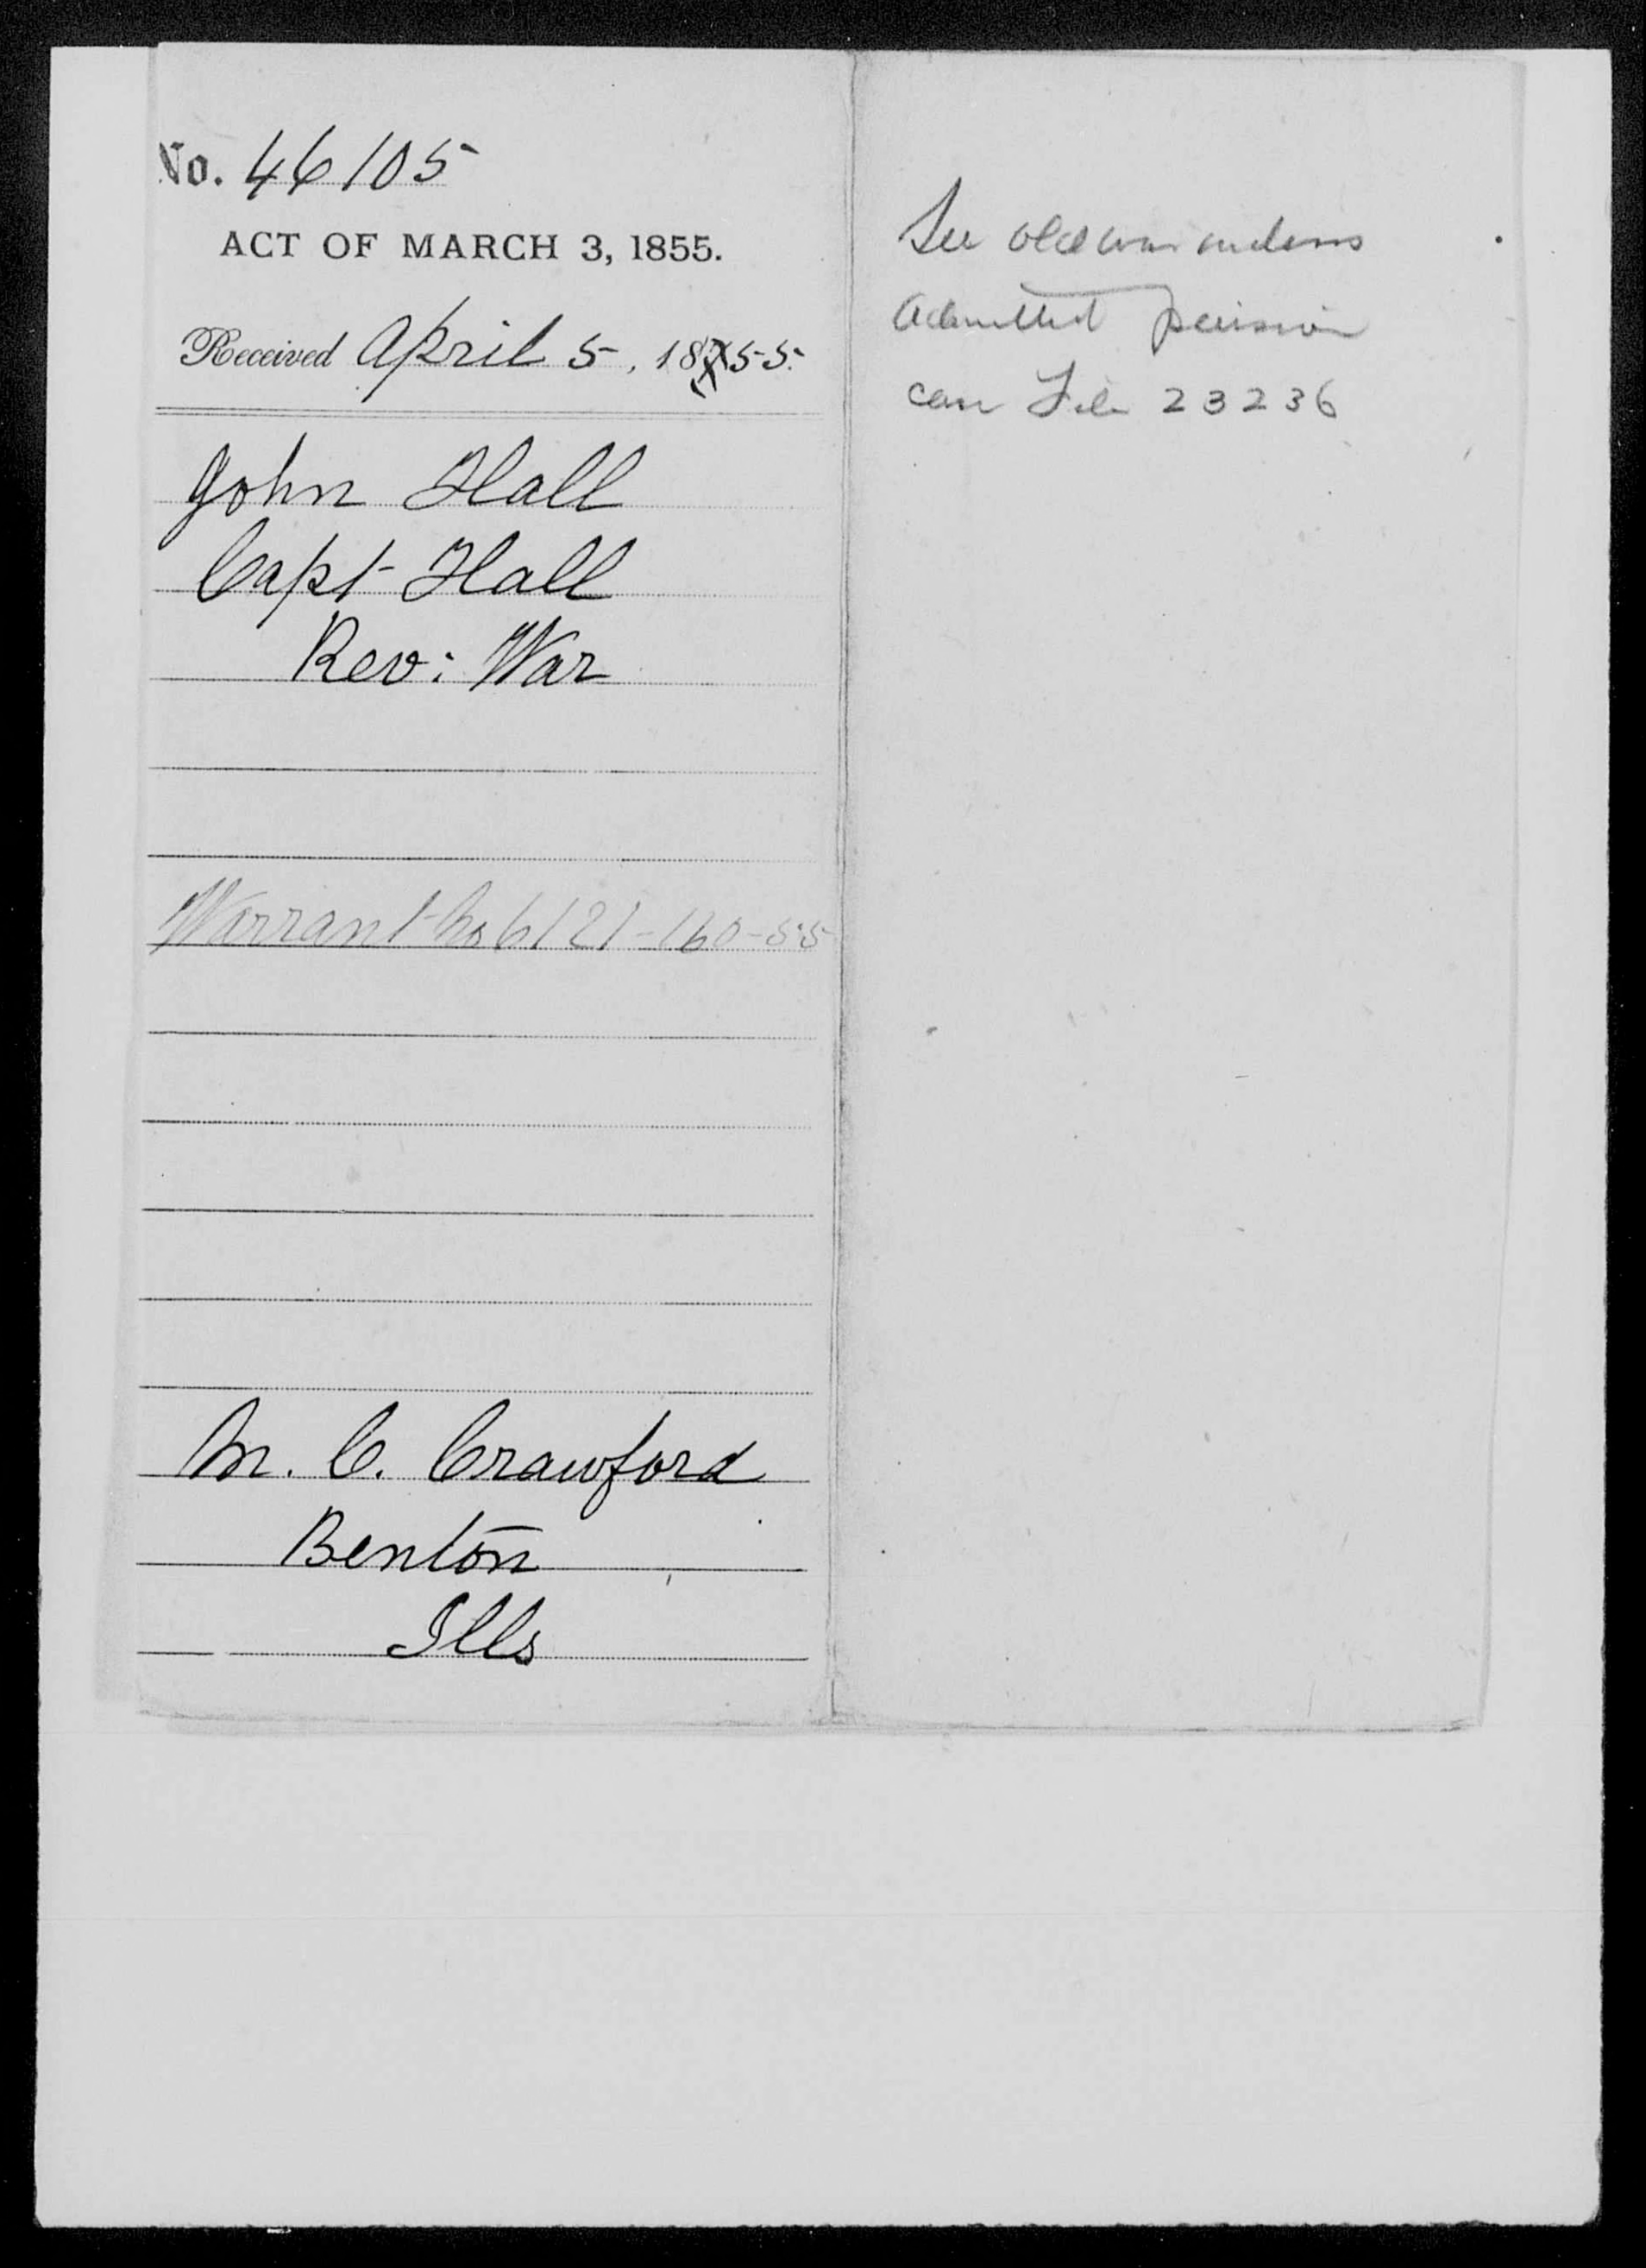Left Side
No 46105
ACT OF MARCH 3, 1855.
Received April 5, 1875-5

John Hall
Capt Hall
Rev: War

Warrant  No 6121-160-55

M C Crawford
Benton
Ills

Right Side

See old unders
Admitted pension
can file 23236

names: M C Crawford, Hall, John Hall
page: 22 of 61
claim: widow's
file: W. 23,236, John Hall, N.C.